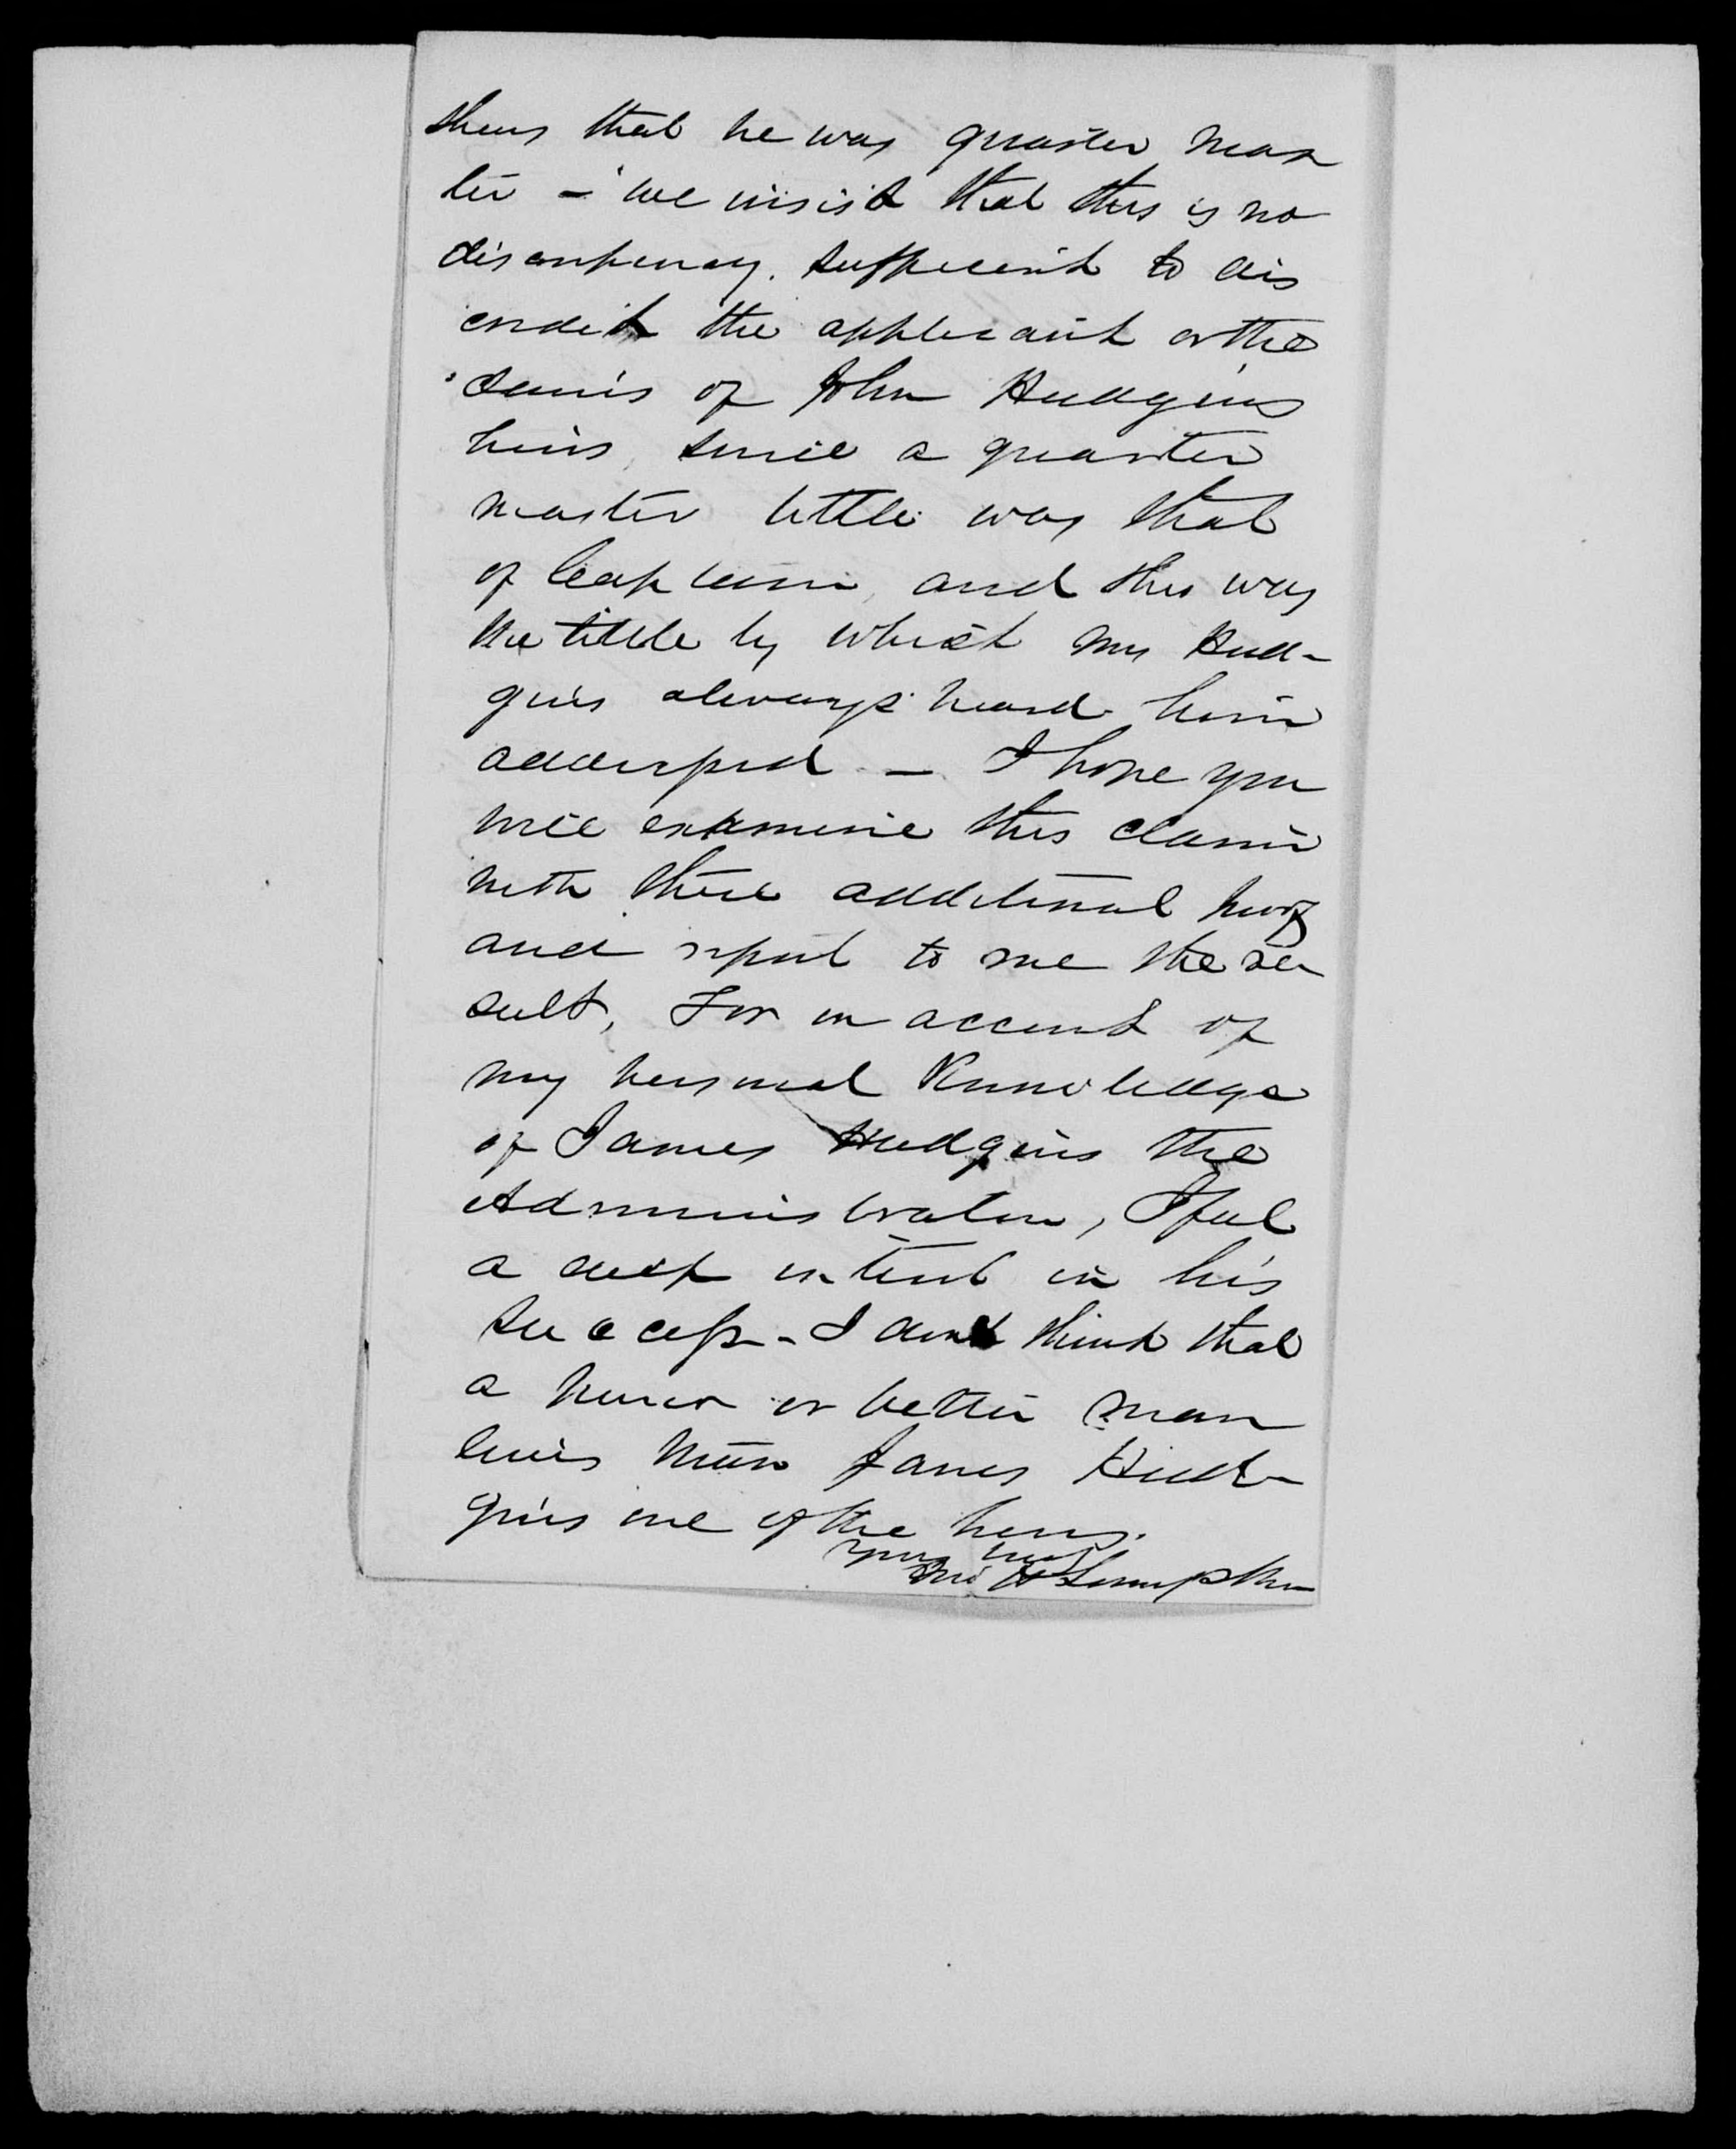Thus that he was quarter near here - we (not legible) that this is no disaplanary sufficient to his (not legible) the applicant or the cause of John Huggins his service a quarter master letter way that of Cap Ware and this way the title by which Mr. Huggins always heard him addressed - I hope you will examine this claim with this additional help and report to me the result. For in accord of my honest (not legible) of James Huggins the Administration, feel a hearing in time in his (not legible) I need think that a (not legible) a better man lives (not legible)James Hudgins one of the (not legible)
Yours truly
J H Lumpkin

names: James Hudgins, Jno H Lumpkin, John Hudgins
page: 25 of 108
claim: rejected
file: R. 7,515, John Hudgins, N.C.